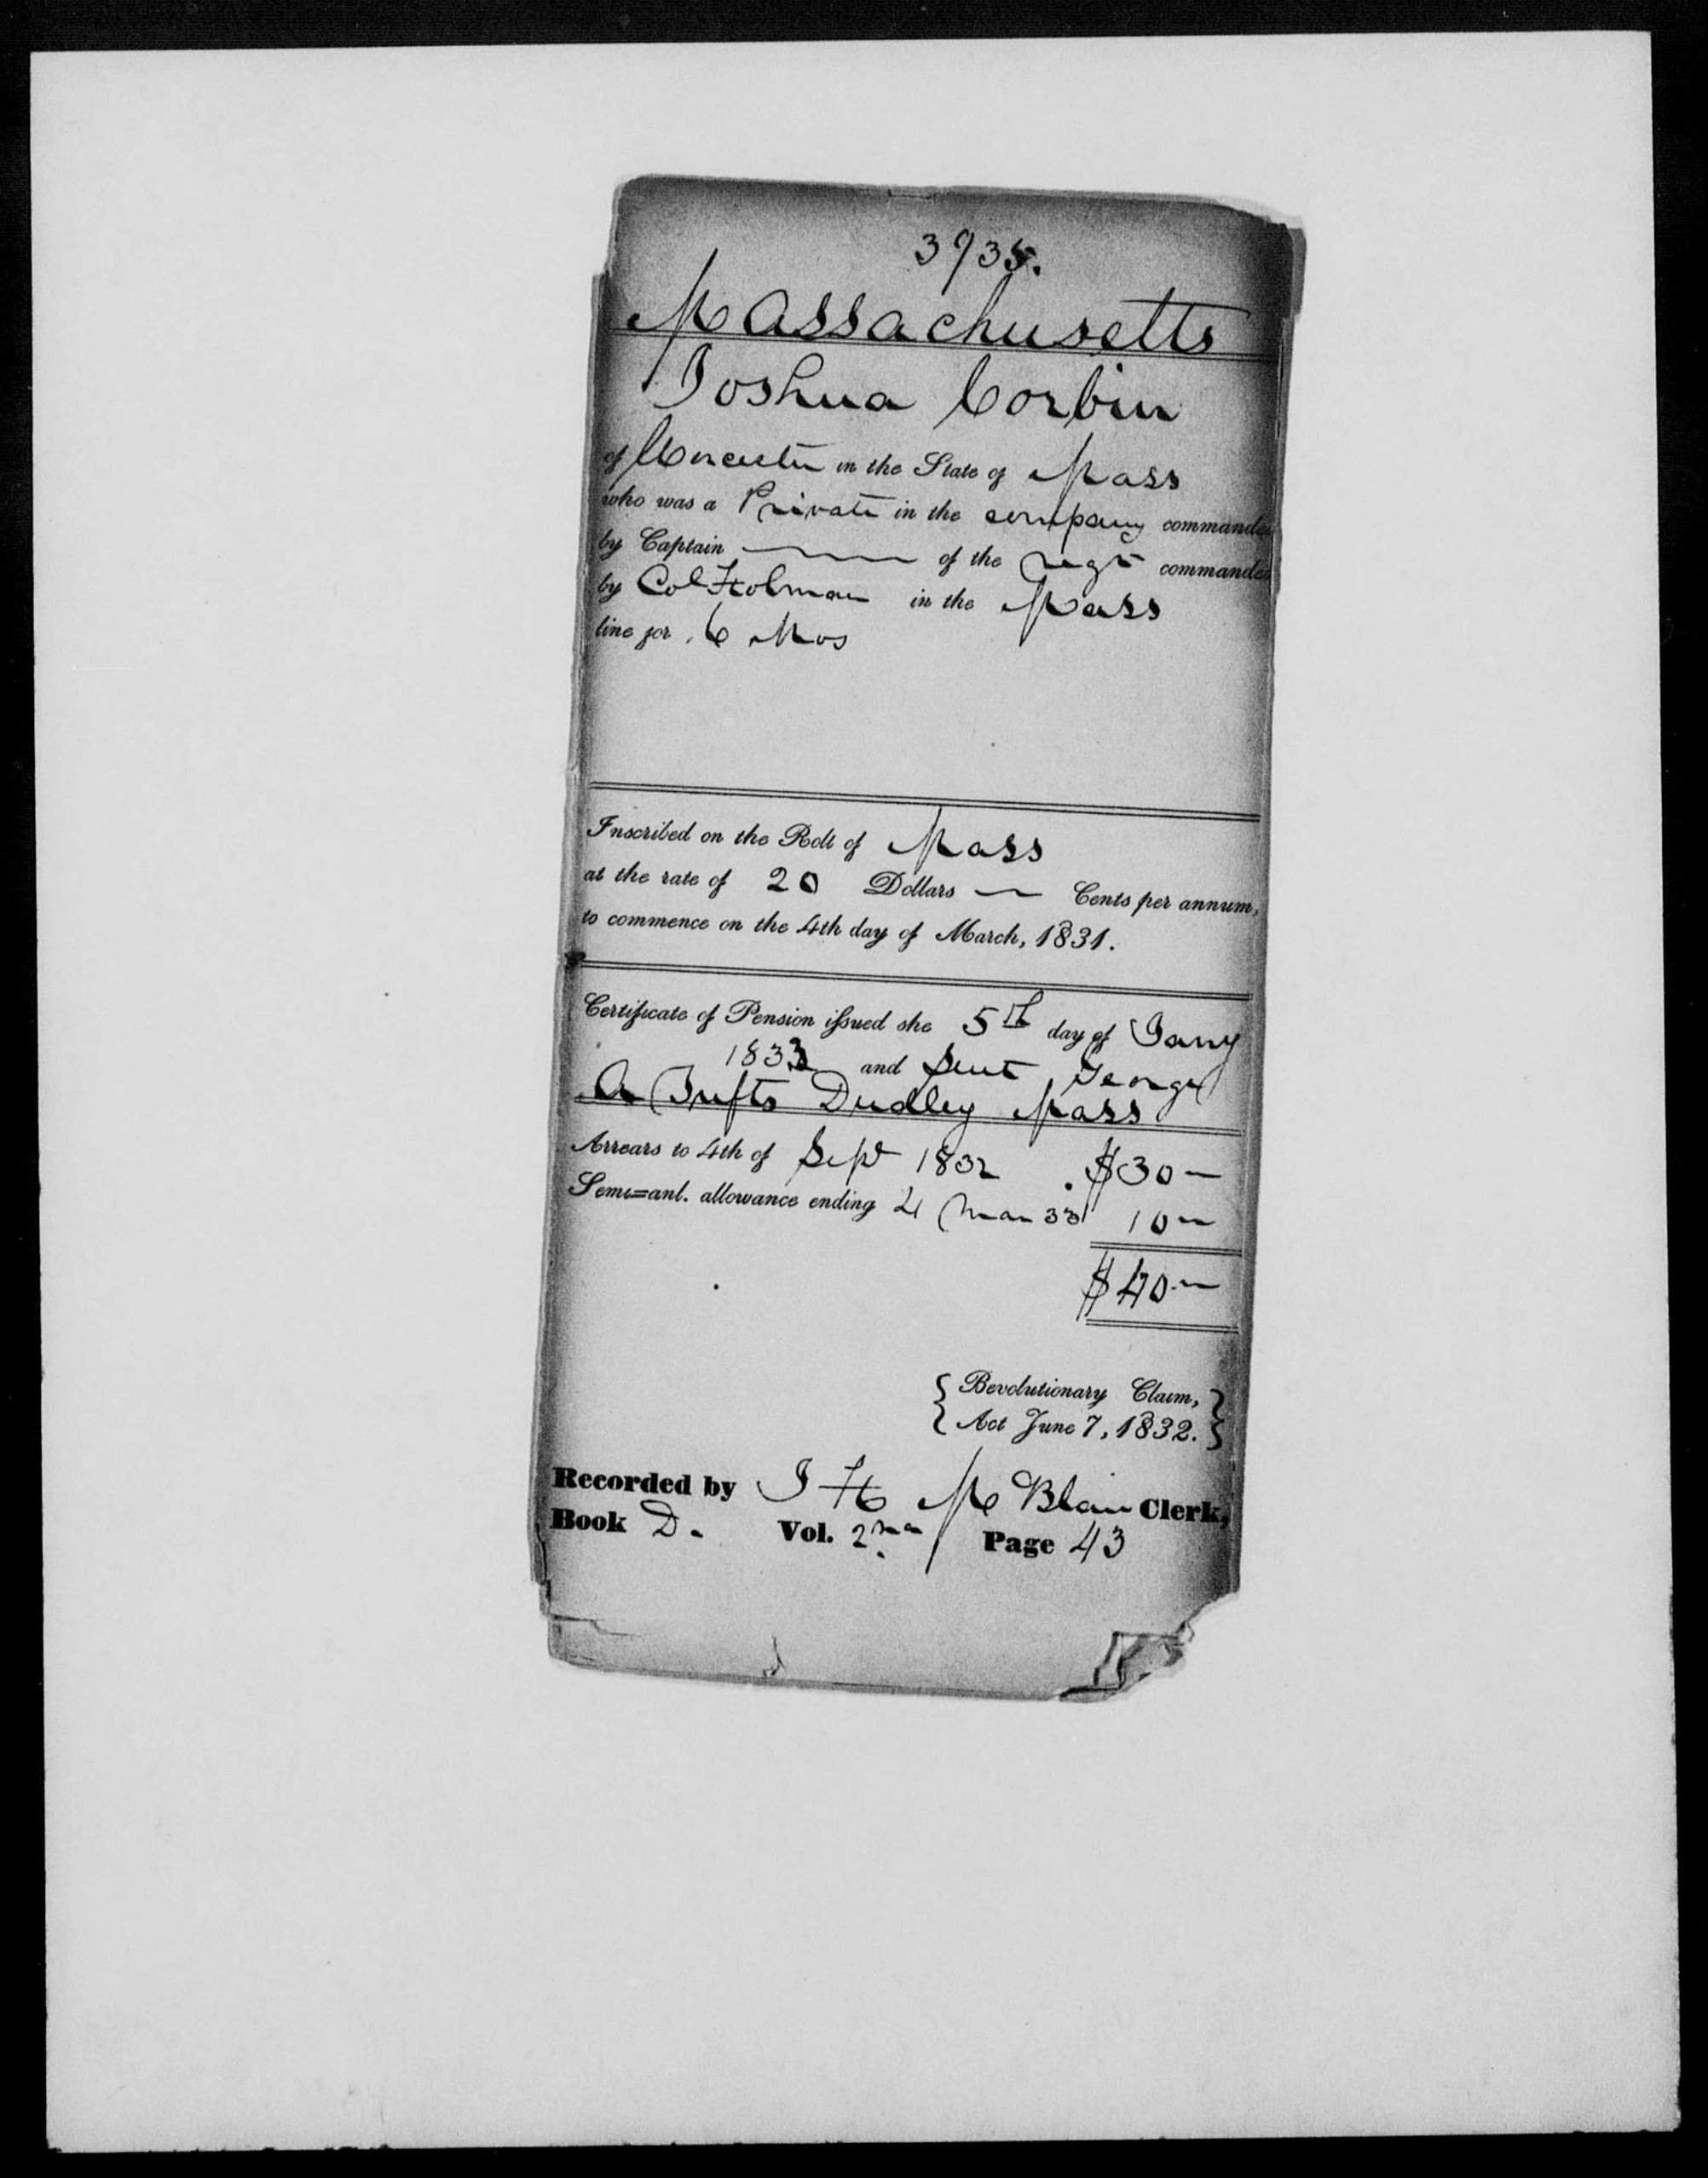3935
Massachusetts
Joshua Corbin
of Worcester in the State of Mass who was a Private in the company commanded by Captain ~ of the (illegible) commanded by Col Frohman in the Mass line for 6 mos

Inscribed on the Roll of Mass at the rate of 20 Dollars - Cents per annum, to commence on the 4th day of March, 1831.

Certificate of Pension issued the 5th day of January 1833 and (illegible)  George A. Tufts Dudley Mass

Arrears to 4th of Sept 1832 $30-
Some=anl allowance ending 21 Mar '33 $10-
(total line) $40-

Revolutionary Claim,
Act June 7, 1832
Recorded by J H McBlair, Clerk
Book D. Vol. 2. Page 43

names: Joshua Corbin, J H Mc Blair, Holman, George A Tufts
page: 2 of 34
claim: survivor's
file: S. 12581, Joshua Corbin, Mass.